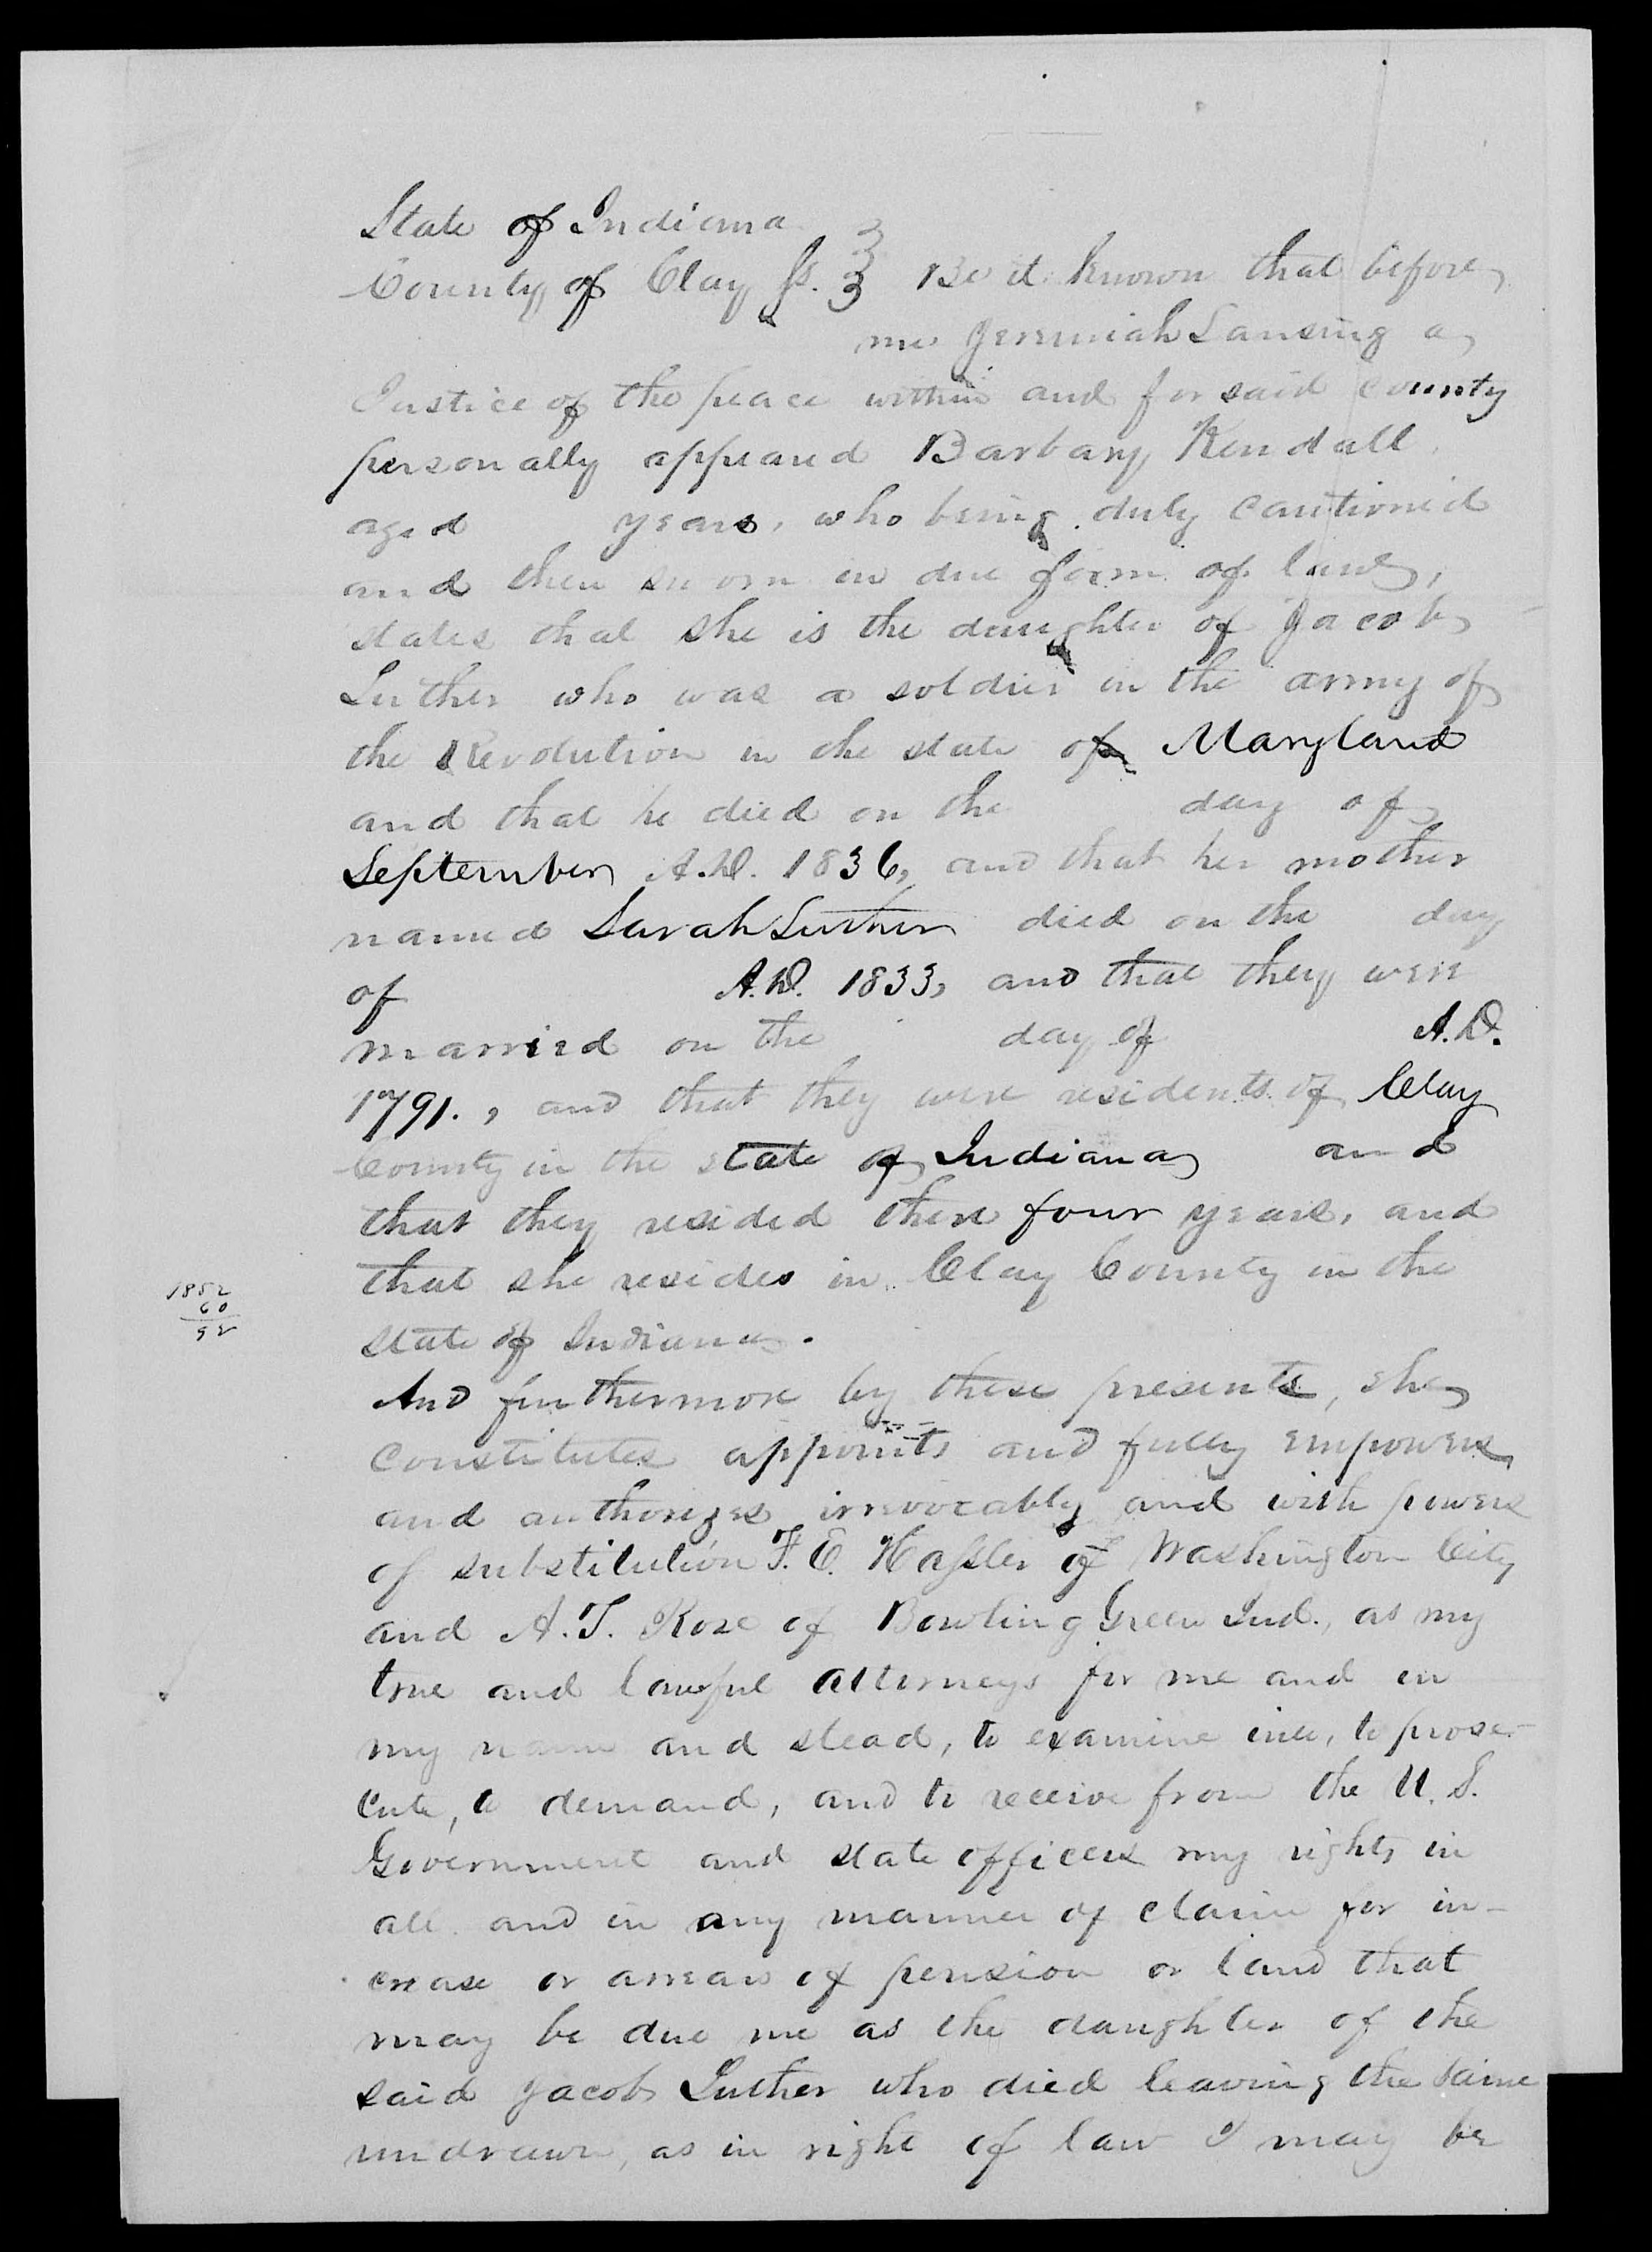State of Indiana
County of Clay

Be it known that before me Jerimiah Lansing a Justice of the Peace within and for said county personally appeared Barbary Kendall aged blank years who being duly cautioned and then sworn in due form of law states that she is the daughter of Jacob Luther who was a soldier in the army of the Revolution in the state of Maryland and that he died on the blank day of September AD 1836 and that her mother maned Sarah Luther died on the blank day of blank AD 1833 and that they were married on the blank day of blank AD 1791, and that they were residents of Clay county in the state of Indiana and that they resided there four years and that she resides in Clay County in the State of Indiana.

And furthermore, by these present she constitutes, appoints and fully empowers and authorizes irrevocably and with power of substitution F.E. Hassler of Washington City and A T Rose of Bowling Green Ind as my true and lawful attorneys for me and in my name and stead to examine into, to prosecute, to demand and to receive from the U.S. Government and state officers my rights in all and in any manner of claim for increase or arrears of pension or land that may be due me as the daughter of the said Jacob Luther who died leaving the same undrawn as in right of law I may be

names: Barbary Kendall; F E Hassler; Jeremiah Lansing; Jacob Luther; A T Rose; Sarah Luther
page: 11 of 23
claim: rejected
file: R. 6533, for Jacob Luther, Maryland